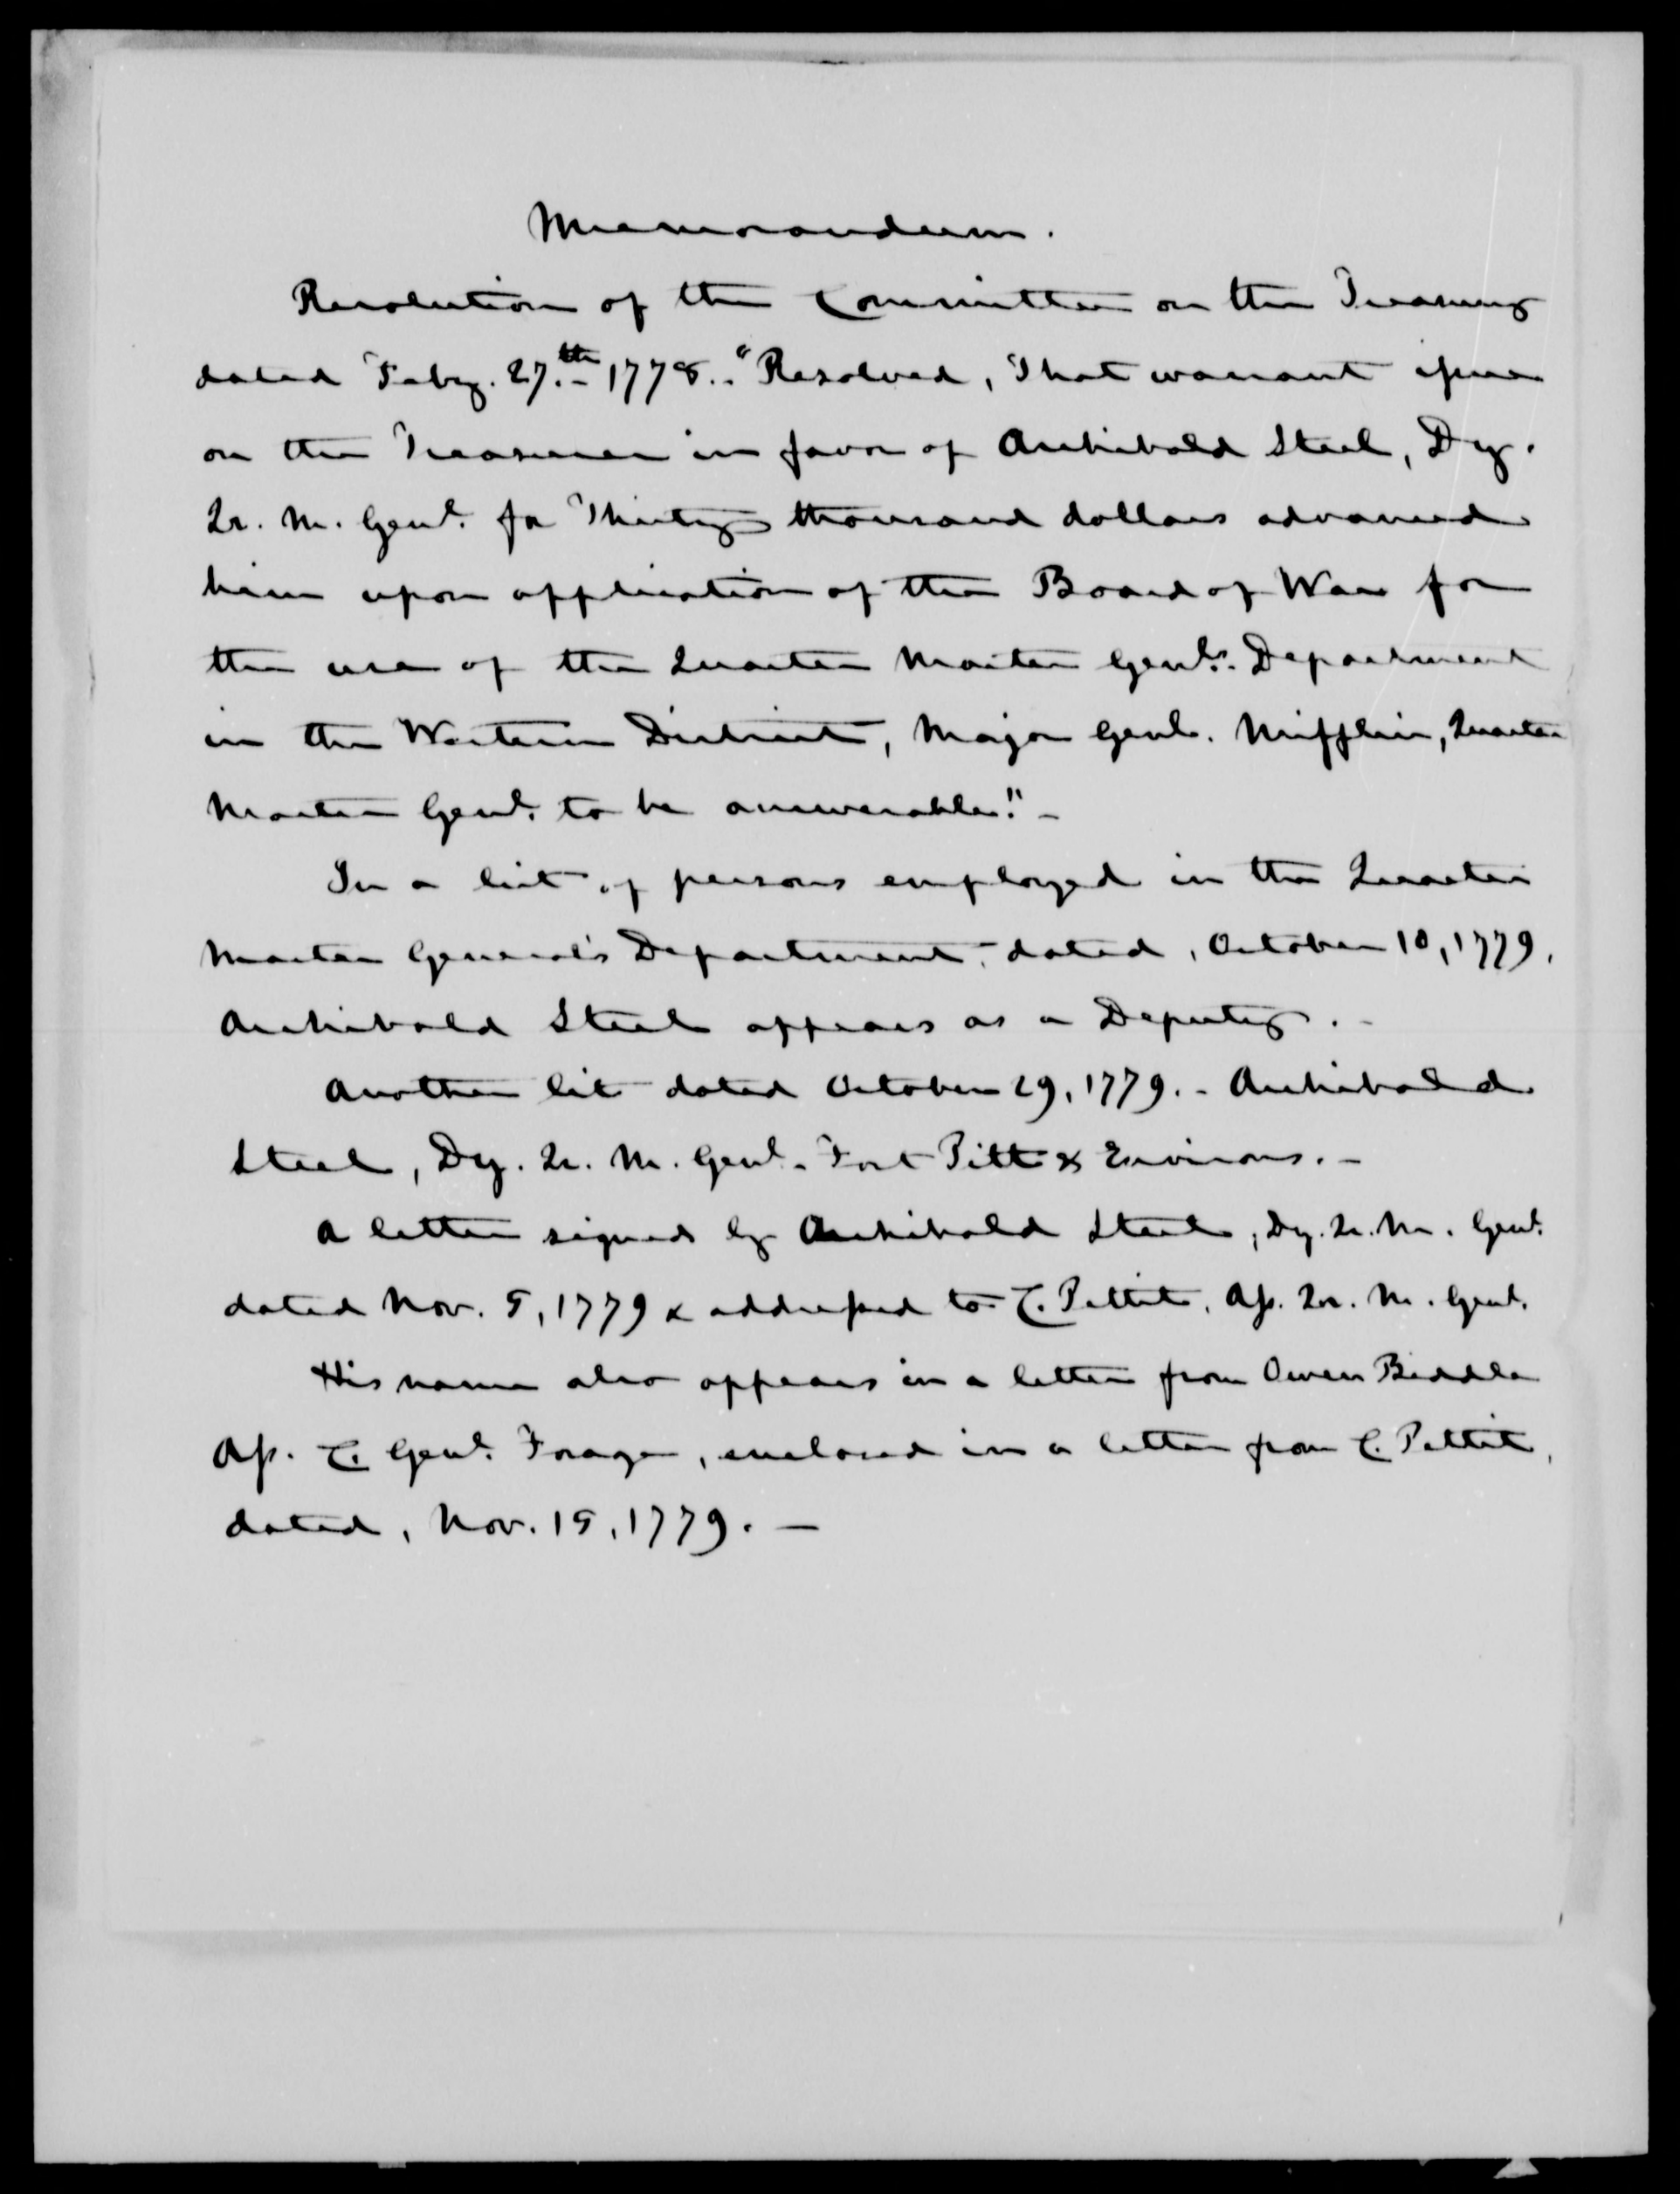Memorandum

Resolution of the Committee on the Treasury, dated Feby 27th 1778. 

Resolved, That warrant issued on the Treasurer in favor of Archibald Steel, Deputy Quarter Master General, for Thirty thousand dollars advanced him upon application of this Board of war for the use of the Quarter Master General's Department in the Western District, Major Genl Mifflin, Quartermaster General, to be answerable.

In a list of persons employed in the Quarter Master General's Department, dated October 10, 1779, Archibald Steel appears as a Deputy.

Another list dated October 19, 1779. Archibald Steel, Deputy Quartermaster General, Fort Pitt and environs. 

a letter signed by Archibald Steel, Deputy Quarter Master General, dated November 9, 1779 and addressed to C Pettit, adjutant Quarter Master General

His name also appears in a letter from Owen Biddle, ap to General Forage, enclosed in a letter from C Pettit dated Nov 19, 1779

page: 17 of 28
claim: survivor's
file: S. 7601, for Archibald Steel, Pennsylvania